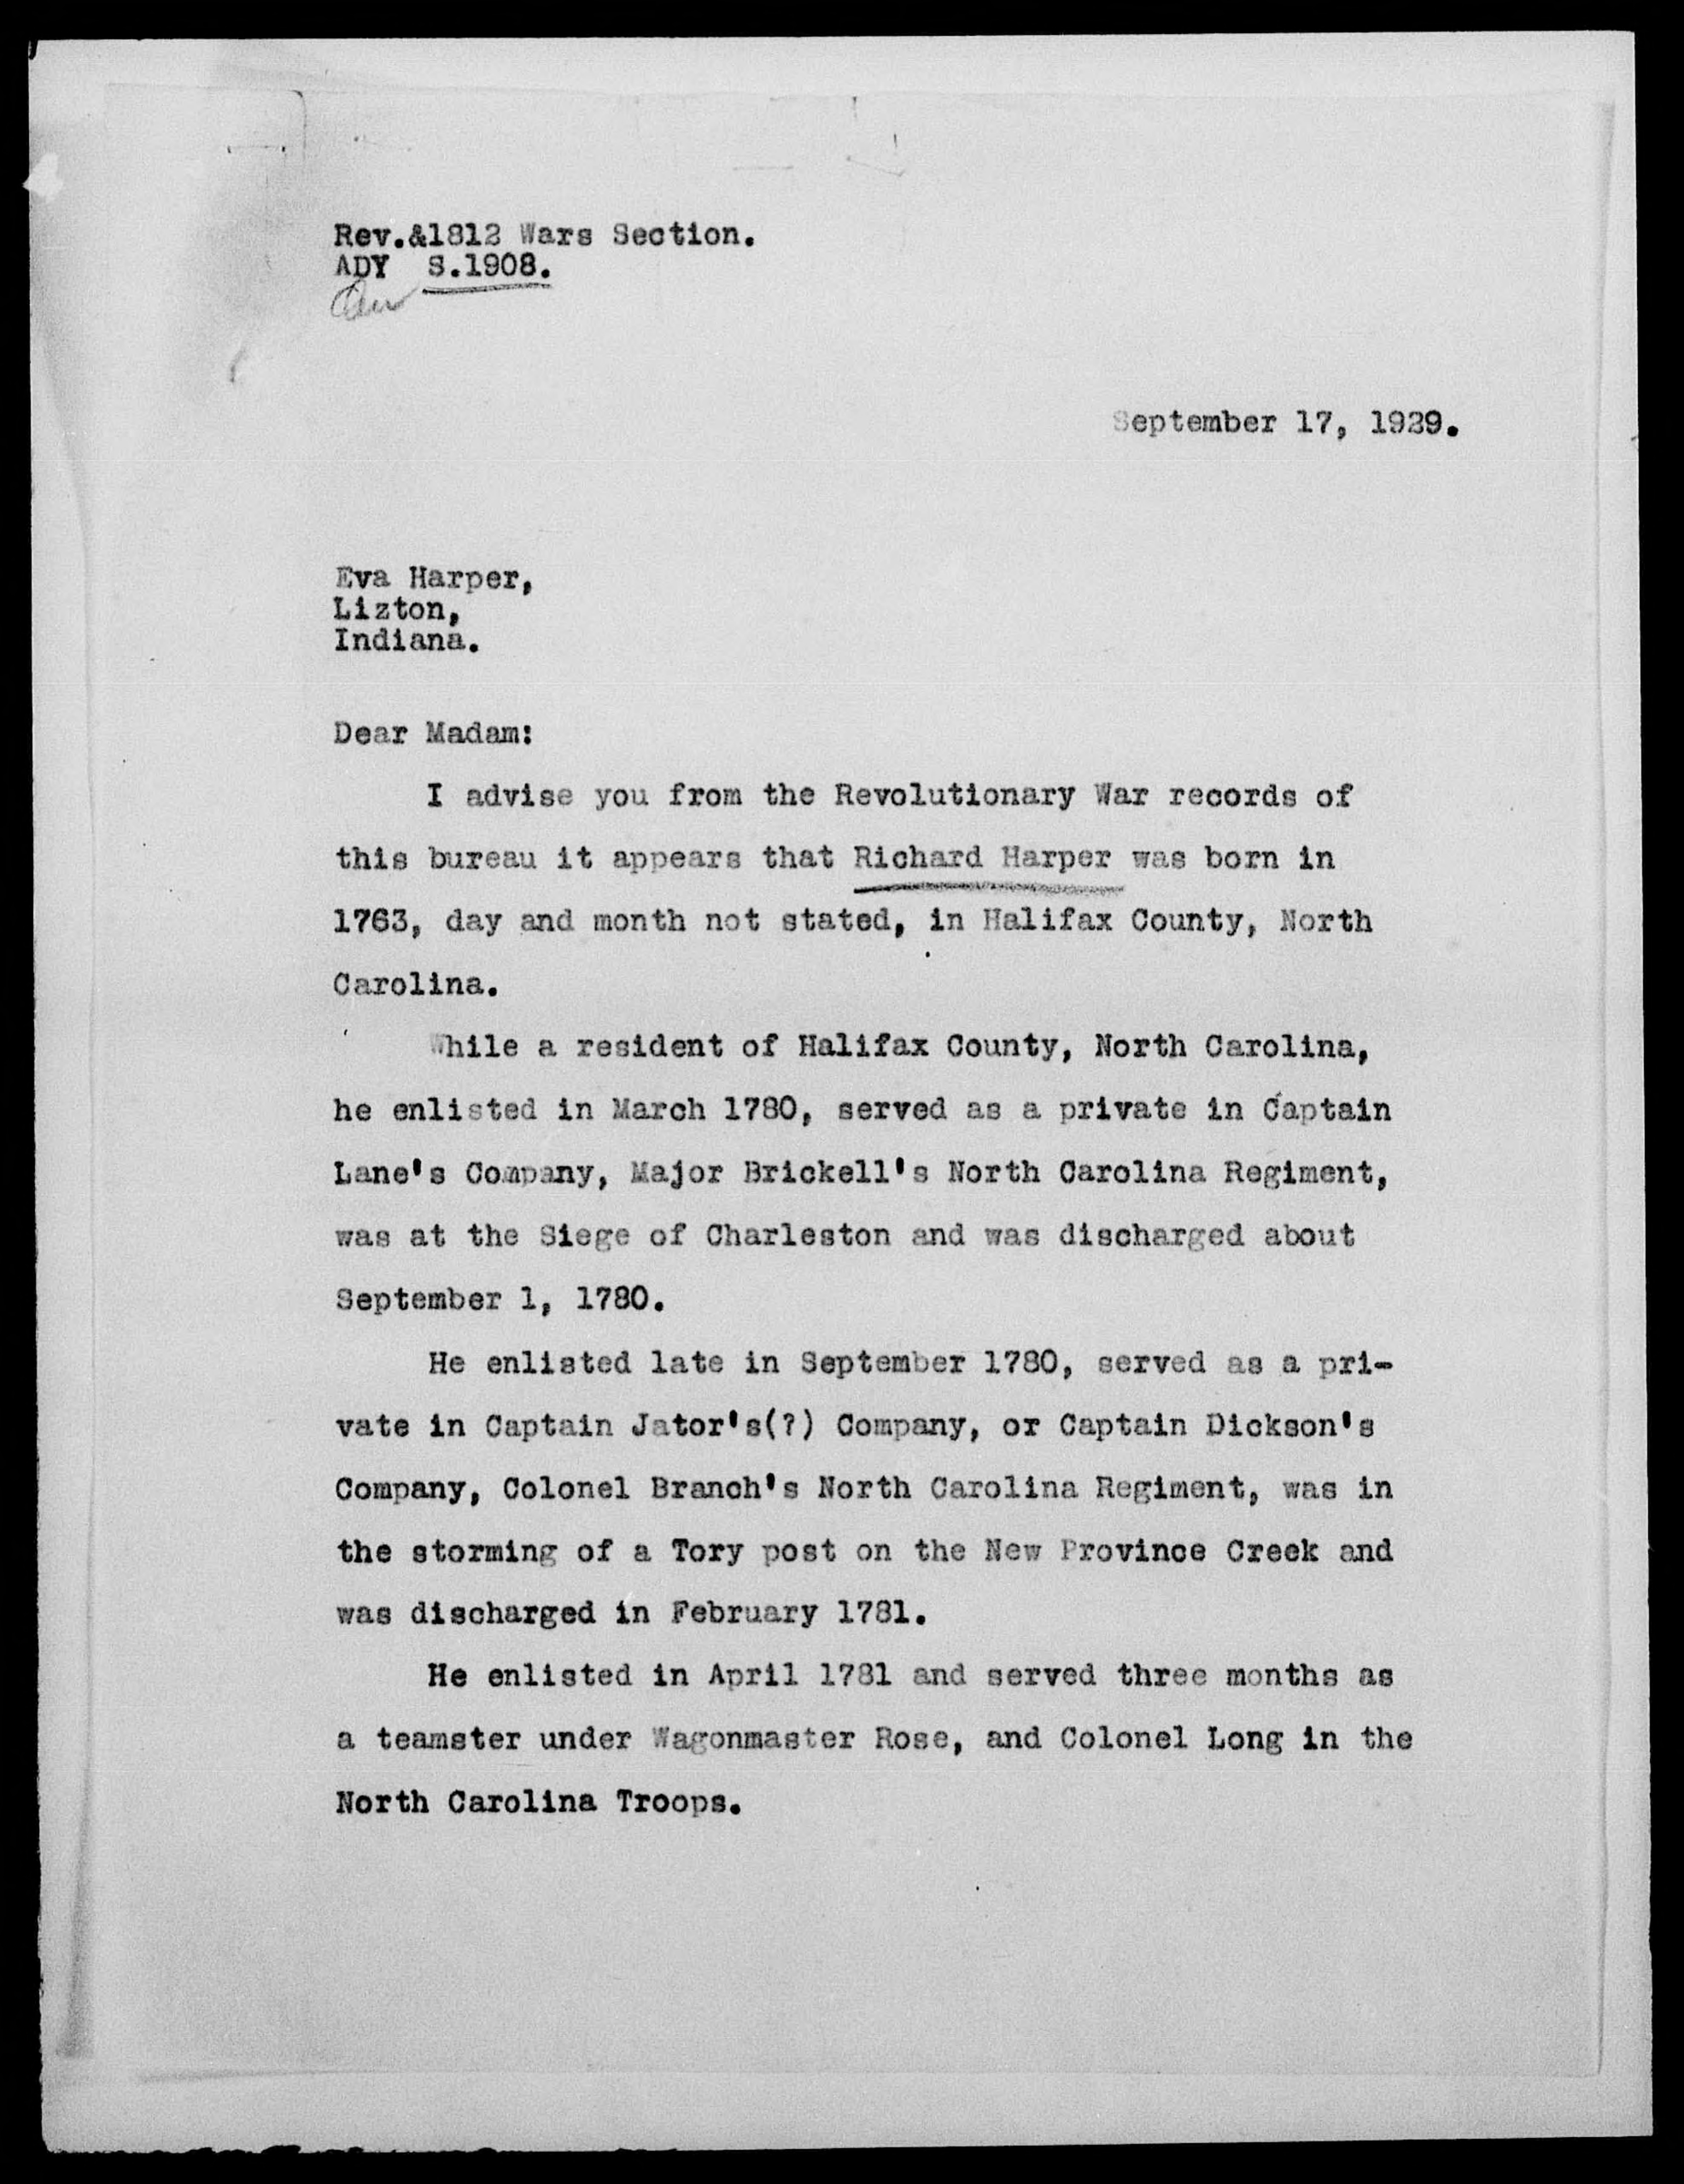Rev.&1812 Wars Section.
ADY S.1908.

September 17, 1929.

Eva Harper,
Lizton, Indiana.

Dear Madam:
I advise you from the Revolutionary War records of this bureau it appears that Richard Harper was born in 1763, day and month not stated, in Halifax County, North Carolina.
While a resident of Halifax County, North Carolina, he enlisted in March 1780, served as a private in Captain Lane's Company, Major Brickell's North Carolina Regiment, was at the Siege of Charleston and was discharged about September 1, 1780.
He enlisted in September 1780, served as a private in Captain Jator's(?) Company, or Captain Dickson's Company, Colonel Branch's North Carolina Regiment, was in the storming of a Tory post on the New Province Creek and was discharged in February 1781.
He enlisted in April 1781 and served three months as a teamster under Wagonmaster Rose, and Colonel Long in the North Carolina Troops.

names: Richard Harper, Long, Eva Harper, Rose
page: 11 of 81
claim: survivor's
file: S. 1908, Richard Harper, N.C.